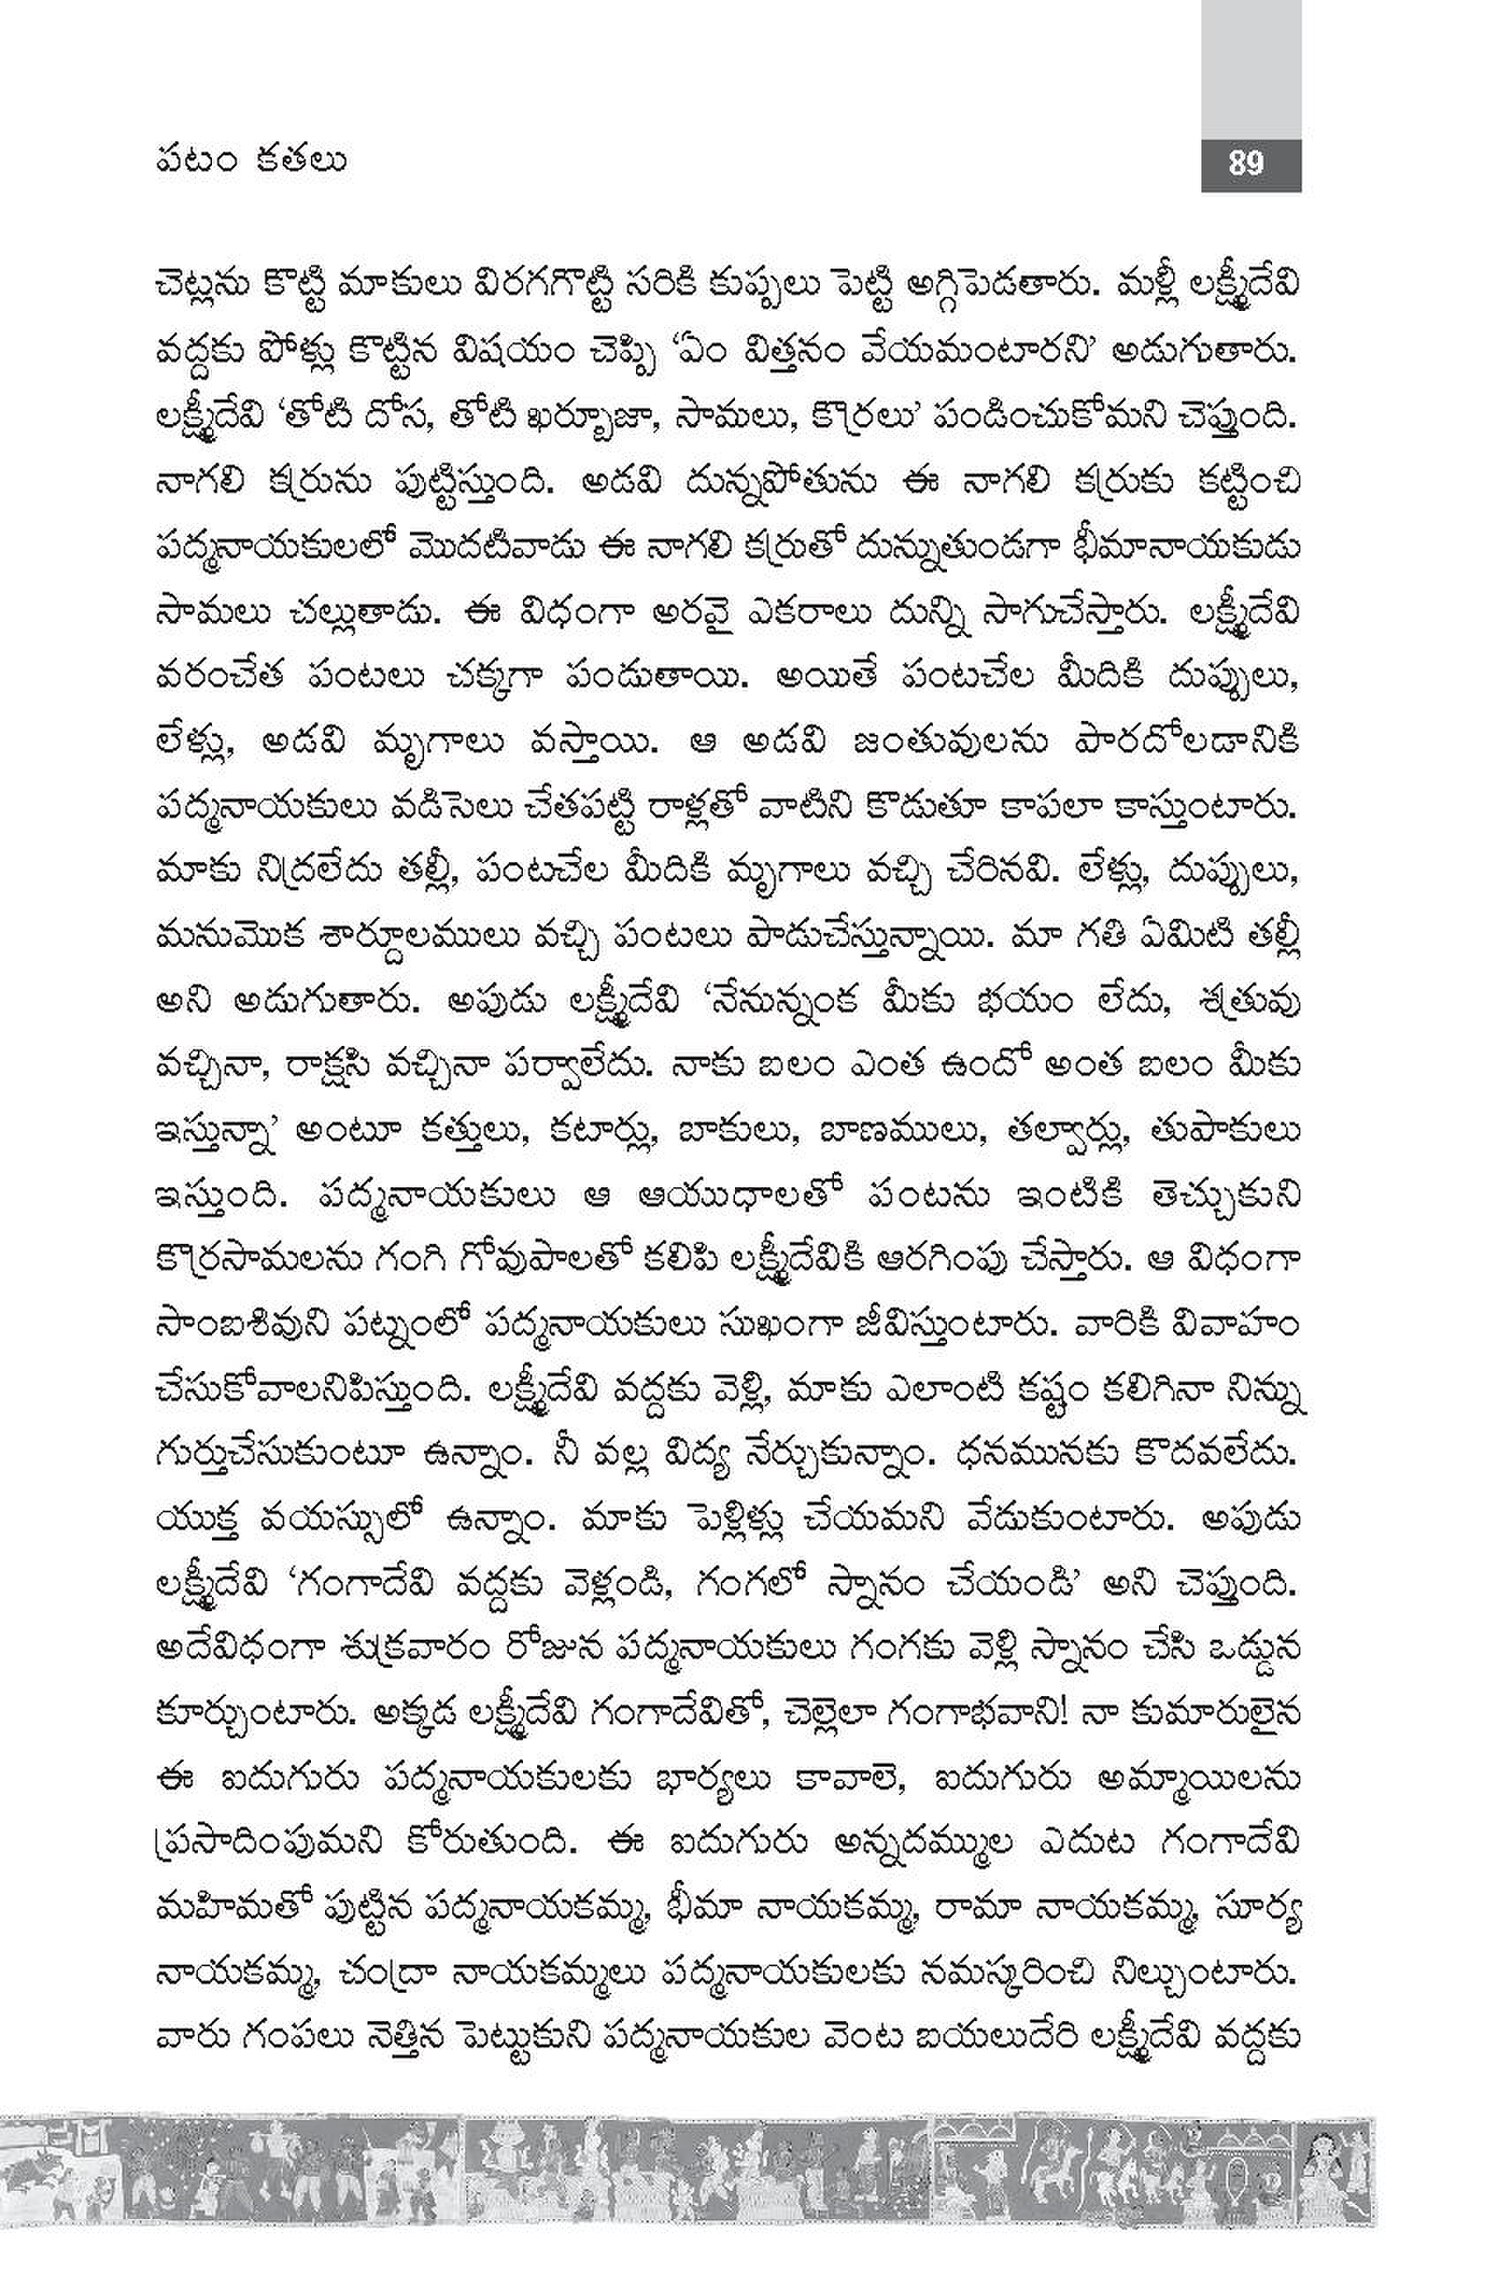చెట్లను కొట్టి మాకులు విరగగొట్టి సరికి కుప్పలు పెట్టి అగ్గిపెడతారు. మళ్లీ లక్ష్మీదేవి వద్దకు పోళ్లు కొట్టిన విషయం చెప్పి 'ఏం విత్తనం వేయమంటారని' అడుగుతారు. లక్ష్మీదేవి 'తోటి దోస, తోటి ఖర్బూజా, సామలు, కొర్రలు' పండించుకోమని చెప్తుంది. నాగలి కర్రును పుట్టిస్తుంది. అడవి దున్నపోతును ఈ నాగలి కర్రుకు కట్టించి పద్మనాయకులలో మొదటివాడు ఈ నాగలి కర్రుతో దున్నుతుండగా భీమానాయకుడు సామలు చల్లుతాడు. ఈ విధంగా అరవై ఎకరాలు దున్ని సాగు చేస్తారు. లక్ష్మీదేవి వరంచేత పంటలు చక్కగా పండుతాయి. అయితే పంటచేల మీదికి దుప్పులు, లేళ్లు, అడవి మృగాలు వస్తాయి. ఆ అడవి జంతువులను పారదోలడానికి పద్మనాయకులు వడిసెలు చేతపట్టి రాళ్లతో వాటిని కొడుతూ కాపలా కాస్తుంటారు. మాకు నిద్రలేదు తల్లీ, పంటచేల మీదికి మృగాలు వచ్చి చేరినవి. లేళ్లు, దుప్పులు, మనుమొక శార్దూలములు వచ్చి పంటలు పాడుచేస్తున్నాయి. మా గతి ఏమిటి తల్లీ అని అడుగుతారు. అపుడు లక్ష్మీదేవి నేనున్నంక మీకు భయం లేదు, శత్రువు వచ్చినా, రాక్షసి వచ్చినా పర్వాలేదు. నాకు బలం ఎంత ఉందో అంత బలం మీకు ఇస్తున్నా' అంటూ కత్తులు, కటార్లు, బాకులు, బాణములు, తల్వార్లు, తుపాకులు ఇస్తుంది. పద్మనాయకులు ఆ ఆయుధాలతో పంటను ఇంటికి తెచ్చుకుని కొర్రసామలను గంగి గోవుపాలతో కలిపి లక్ష్మీదేవికి ఆరగింపు చేస్తారు. ఆ విధంగాసాంబశివుని పట్నంలో పద్మనాయకులు సుఖంగా జీవిస్తుంటారు. వారికి వివాహం చేసుకోవాలనిపిస్తుంది. లక్ష్మీదేవి వద్దకు వెళ్లి, మాకు ఎలాంటి కష్టం కలిగినా నిన్ను గుర్తుచేసుకుంటూ ఉన్నాం. నీ వల్ల విద్య నేర్చుకున్నాం. ధనమునకు కొదవలేదు. యుక్త వయస్సులో ఉన్నాం. మాకు పెళ్లిళ్లు చేయమని వేడుకుంటారు. అపుడు లక్ష్మీదేవి 'గంగాదేవి వద్దకు వెళ్లండి, గంగలో స్నానం చేయండి' అని చెప్తుంది. అదేవిధంగా శుక్రవారం రోజున పద్మనాయకులు గంగకు వెళ్లి స్నానం చేసి ఒడ్డున కూర్చుంటారు. అక్కడ లక్ష్మీదేవి గంగాదేవితో, చెల్లెలా గంగాభవాని! నా కుమారులైన ఈ ఐదుగురు పద్మనాయకులకు భార్యలు కావాలె, ఐదుగురు అమ్మాయిలను ప్రసాదింపుమని కోరుతుంది. ఈ ఐదుగురు అన్నదమ్ముల ఎదుట గంగాదేవి మహిమతో పుట్టిన పద్మనాయకమ్మ, భీమా నాయకమ్మ, రామా నాయకమ్మ, సూర్య నాయకమ్మ, చంద్రా నాయకమ్మలు పద్మనాయకులకు నమస్కరించి నిల్చుంటారు. వారు గంపలు నెత్తిన పెట్టుకుని పద్మనాయకుల వెంట బయలుదేరి లక్ష్మీదేవి వద్దకు